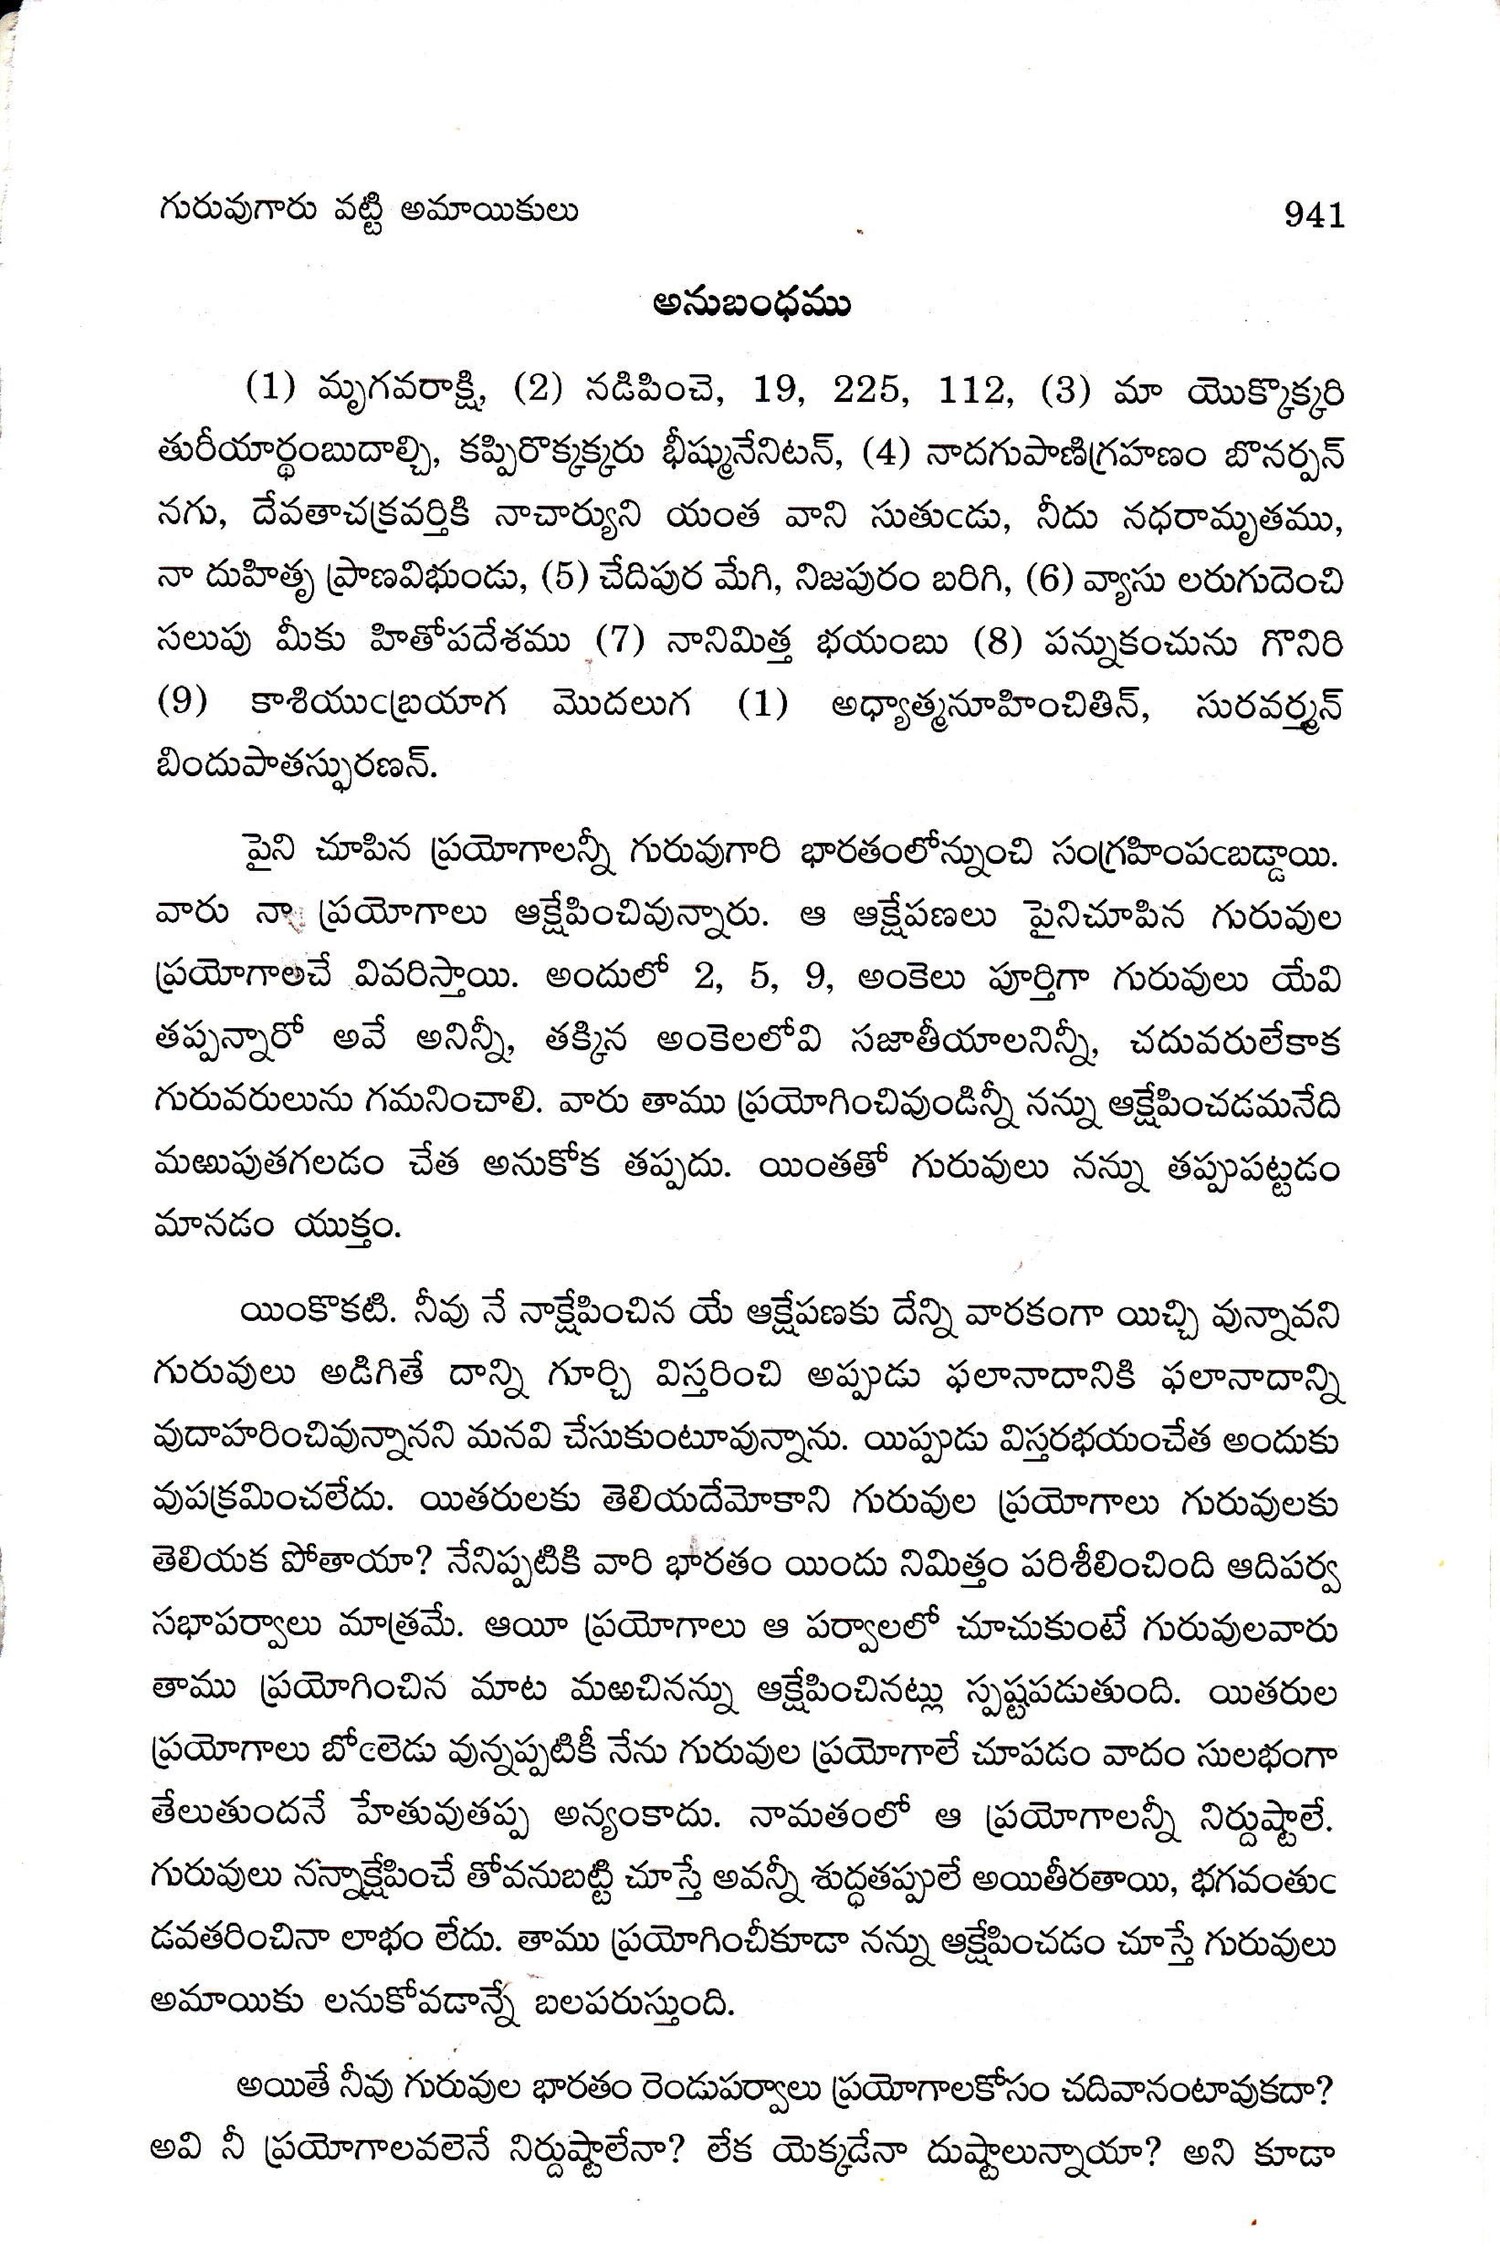అనుబంధము

(1) మృగవరాక్షి (2) నడిపించె, 19, 225, 112, (3) మా యొక్కొక్కరి తురీయార్ధంబుదాల్చి, కప్పిరొక్కక్కరు భీష్మునేనిటన్, (4) నాదగుపాణిగ్రహణం బొనర్పన్ నగు, దేవతాచక్రవర్తికి నాచార్యుని యంత వాని సుతుఁడు, నీదు నధరామృతము, నా దుహితృ ప్రాణవిభుండు, (5) చేదిపుర మేగి, నిజపురం బరిగి, (6) వ్యాసు లరుగుదెంచి సలుపు మీకు హితోపదేశము (7) నానిమిత్త భయంబు (8) పన్నుకంచును గొనిరి (9) కాశియుఁబ్రయాగ మొదలుగ (1) అధ్యాత్మనూహించితిన్, సురవర్త్మన్ బిందుపాతస్ఫురణన్.

పైని చూపిన ప్రయోగాలన్నీ గురువుగారి భారతంలోన్నుంచి సంగ్రహింపఁబడ్డాయి. వారు నా ప్రయోగాలు ఆక్షేపించివున్నారు. ఆ ఆక్షేపణలు పైనిచూపిన గురువుల ప్రయోగాలచే వివరిస్తాయి. అందులో 2, 5, 9, అంకెలు పూర్తిగా గురువులు యేవి తప్పన్నారో అవే అనిన్నీ, తక్కిన అంకెలలోవి సజాతీయాలనిన్నీ చదువరులేకాక గురువరులును గమనించాలి. వారు తాము ప్రయోగించివుండిన్నీ నన్ను ఆక్షేపించడమనేది మఱుపుతగలడం చేత అనుకోక తప్పదు. యింతతో గురువులు నన్ను తప్పుపట్టడం మానడం యుక్తం.

యింకొకటి. నీవు నే నాక్షేపించిన యే ఆక్షేపణకు దేన్ని వారకంగా యిచ్చి వున్నావని గురువులు అడిగితే దాన్ని గూర్చి విస్తరించి అప్పుడు ఫలానాదానికి ఫలానాదాన్ని వుదాహరించివున్నానని మనవి చేసుకుంటూవున్నాను. యిప్పుడు విస్తరభయంచేత అందుకు వుపక్రమించలేదు. యితరులకు తెలియదేమోకాని గురువుల ప్రయోగాలు గురువులకు తెలియక పోతాయా? నేనిప్పటికి వారి భారతం యిందు నిమిత్తం పరిశీలించింది ఆదిపర్వ సభాపర్వాలు మాత్రమే. ఆయీ ప్రయోగాలు ఆ పర్వాలలో చూచుకుంటే గురువులవారు తాము ప్రయోగించిన మాట మఱచినన్ను ఆక్షేపించినట్లు స్పష్టపడుతుంది. యితరుల ప్రయోగాలు బోఁలెడు వున్నప్పటికీ నేను గురువుల ప్రయోగాలే చూపడం వాదం సులభంగా తేలుతుందనే హేతువుతప్ప అన్యంకాదు. నామతంలో ఆ ప్రయోగాలన్నీ నిర్దుష్టాలే. గురువులు నన్నాక్షేపించే తోవనుబట్టి చూస్తే అవన్నీ శుద్ధతప్పులే అయితీరతాయి, భగవంతుఁ డవతరించినా లాభం లేదు. తాము ప్రయోగించీకూడా నన్ను ఆక్షేపించడం చూస్తే గురువులు అమాయికు లనుకోవడాన్నే బలపరుస్తుంది.

అయితే నీవు గురువుల భారతం రెండుపర్వాలు ప్రయోగాలకోసం చదివానంటావకదా? అవి నీ ప్రయోగాలవలెనే నిర్దుష్టాలేనా? లేక యెక్కడేనా దుష్టాలున్నాయా? అని కూడా